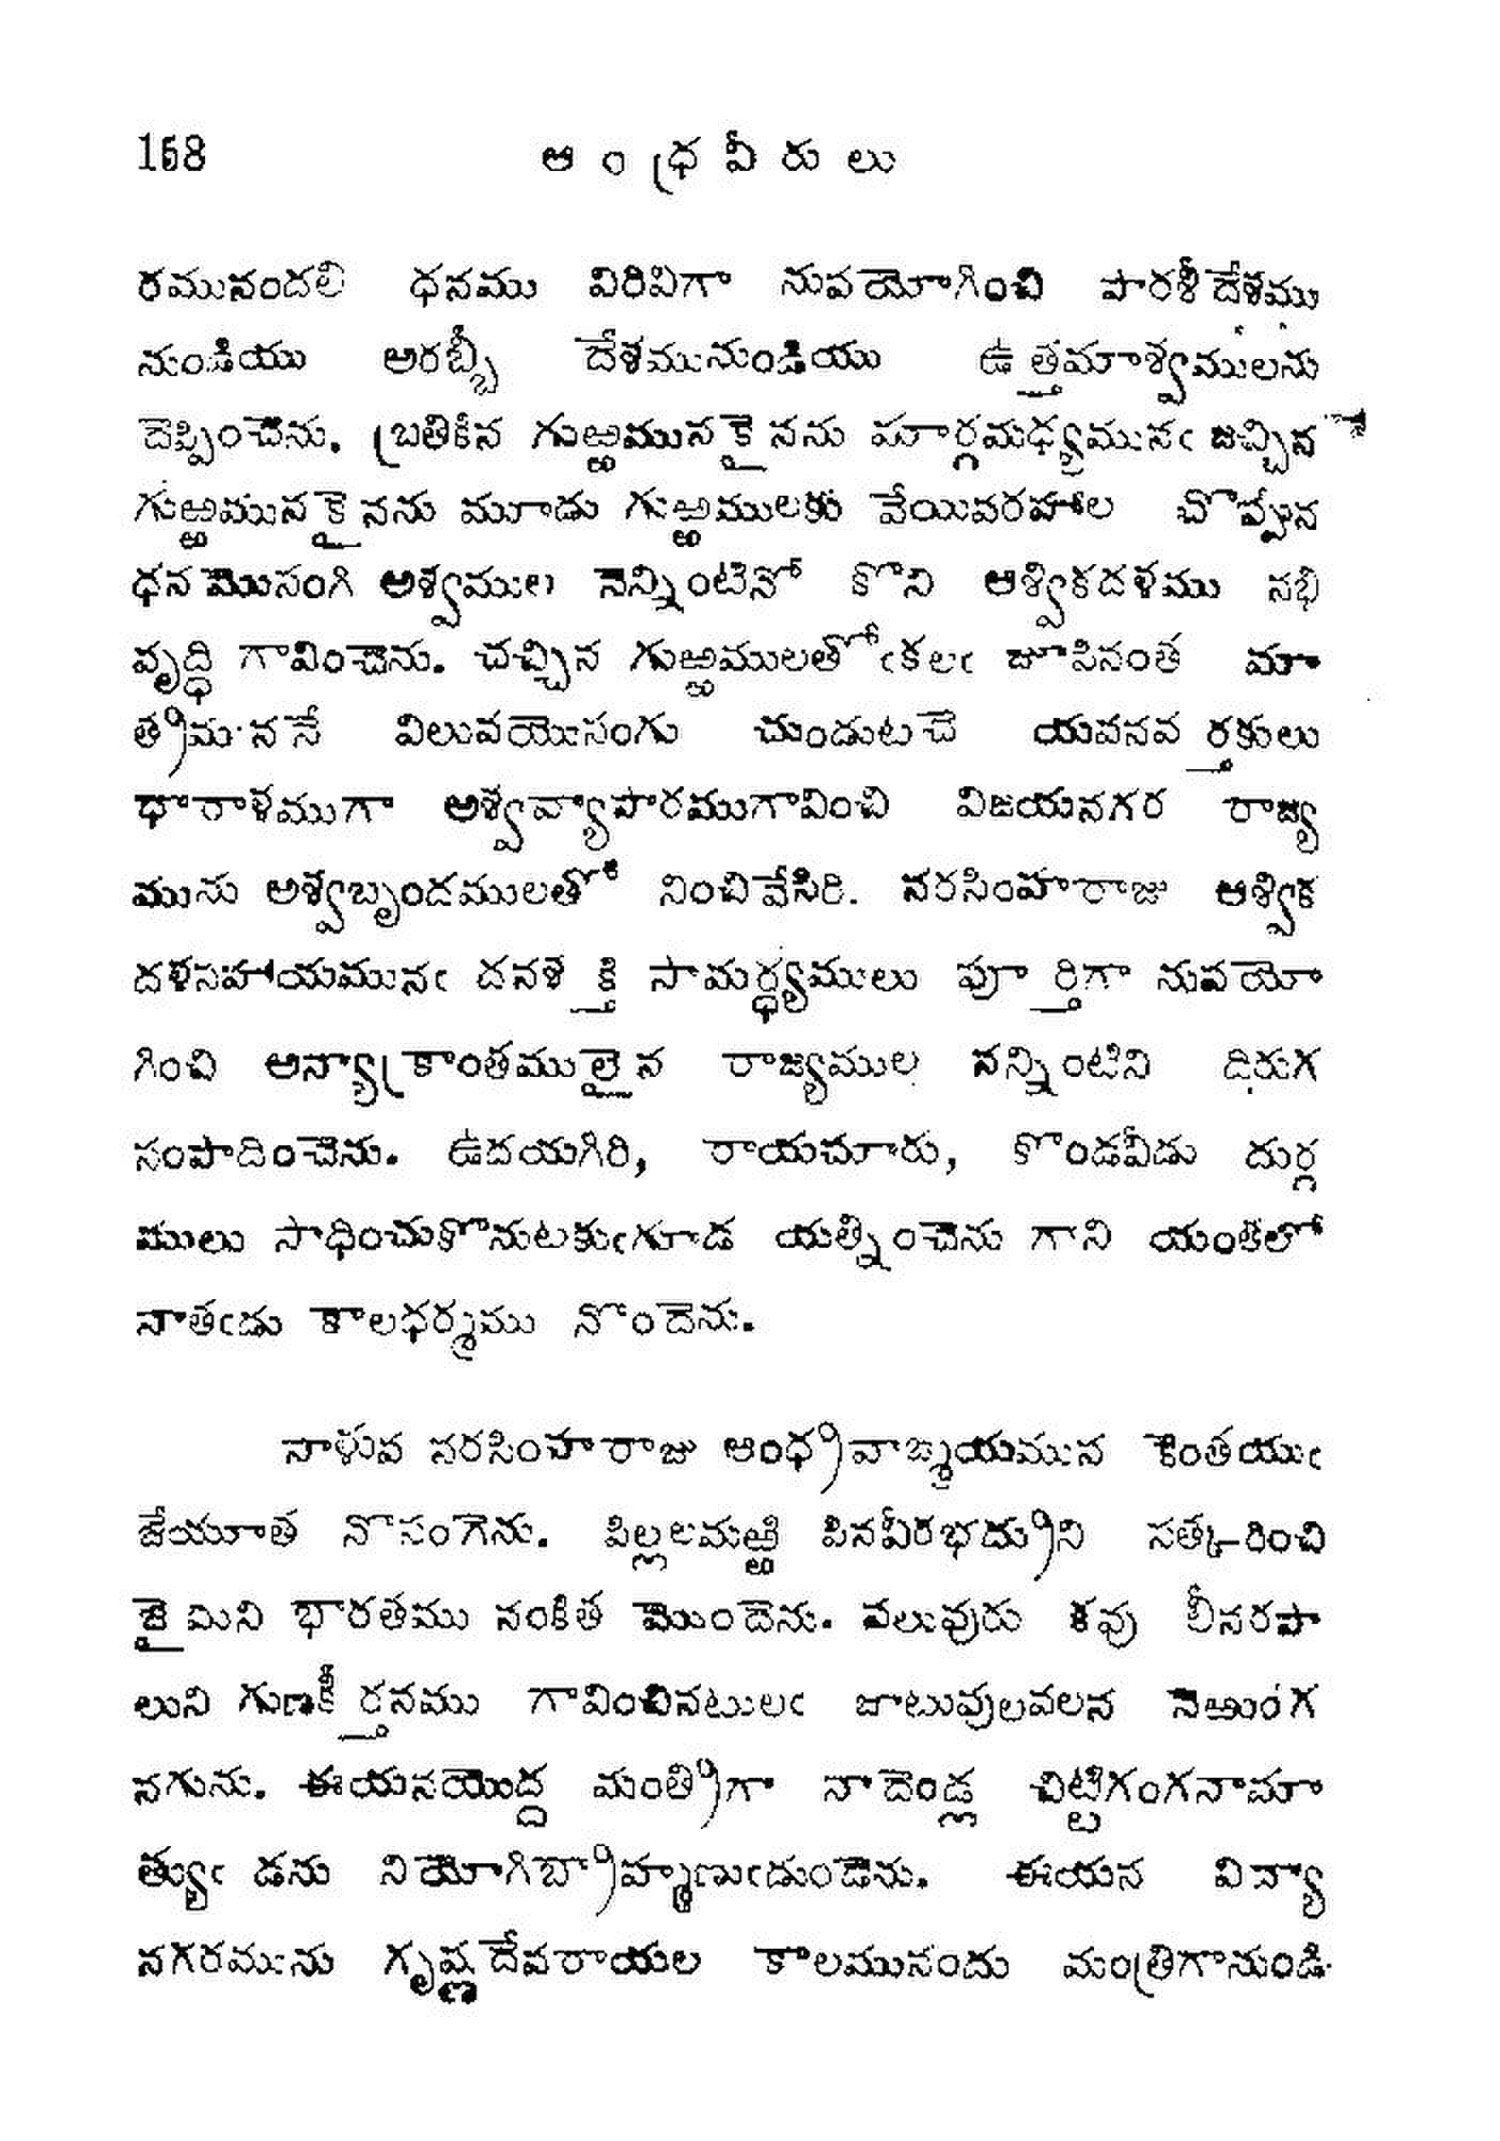రమునందలి ధనము విరివిగా నుపయోగించి పారశీదేశమునుండియు అరబ్బీ దేశమునుండియు ఉత్తమాశ్వములను దెప్పించెను. బ్రతికిన గుఱ్ఱమునకైనను మార్గమధ్యమున జచ్చిన గుఱ్ఱమునకైనను మూడు గుఱ్ఱములకు వేయివరహాల చొప్పున ధనమొసంగి అశ్వముల నెన్నింటినో కొని ఆశ్వికదళము నభివృద్ధి గావించెను. చచ్చిన గుఱ్ఱములతోకల జూపినంత మాత్రముననే విలువయొసంగు చుండుటచె యవనవర్తకులు ధారాళముగా అశ్వవ్యాపారముగావించి విజయనగర రాజ్యమును అశ్వబృందములతో నించివేసిరి. నరసింహరాజు ఆశ్విక దళసహాయమున దనశక్తి సామర్థ్యములు పూర్తిగా నుపయోగించి అన్యాక్రాంతములైన రాజ్యముల నన్నింటిని దిరుగ సంపాదించెను. ఉదయగిరి, రాయచూరు, కొండవీడు దుర్గములు సాధించుకొనుటకుగూడ యత్నించెను గాని యంతలో నాతడు కాలధర్మము నొందెను.

సాళువ నరసింహరాజు ఆంధ్రవాజ్మయమున కెంతయు జేయూత నొసంగెను. పిల్లలమఱ్ఱి పినవీరభద్రుని సత్కరించి జైమిని భారతము నంకిత మొందెను. పలువురు కవు లీనరపాలుని గుణకీర్తనము గావించినటుల జాటువులవలన నెఱుంగ నగును. ఈయనయొద్ద మంత్రిగా నాదెండ్ల చిట్టిగంగనామాత్యు డను నియోగిబ్రాహ్మణుడుండెను. ఈయన విద్యానగరమును గృష్ణదేవరాయల కాలమునందు మంత్రిగానుండి